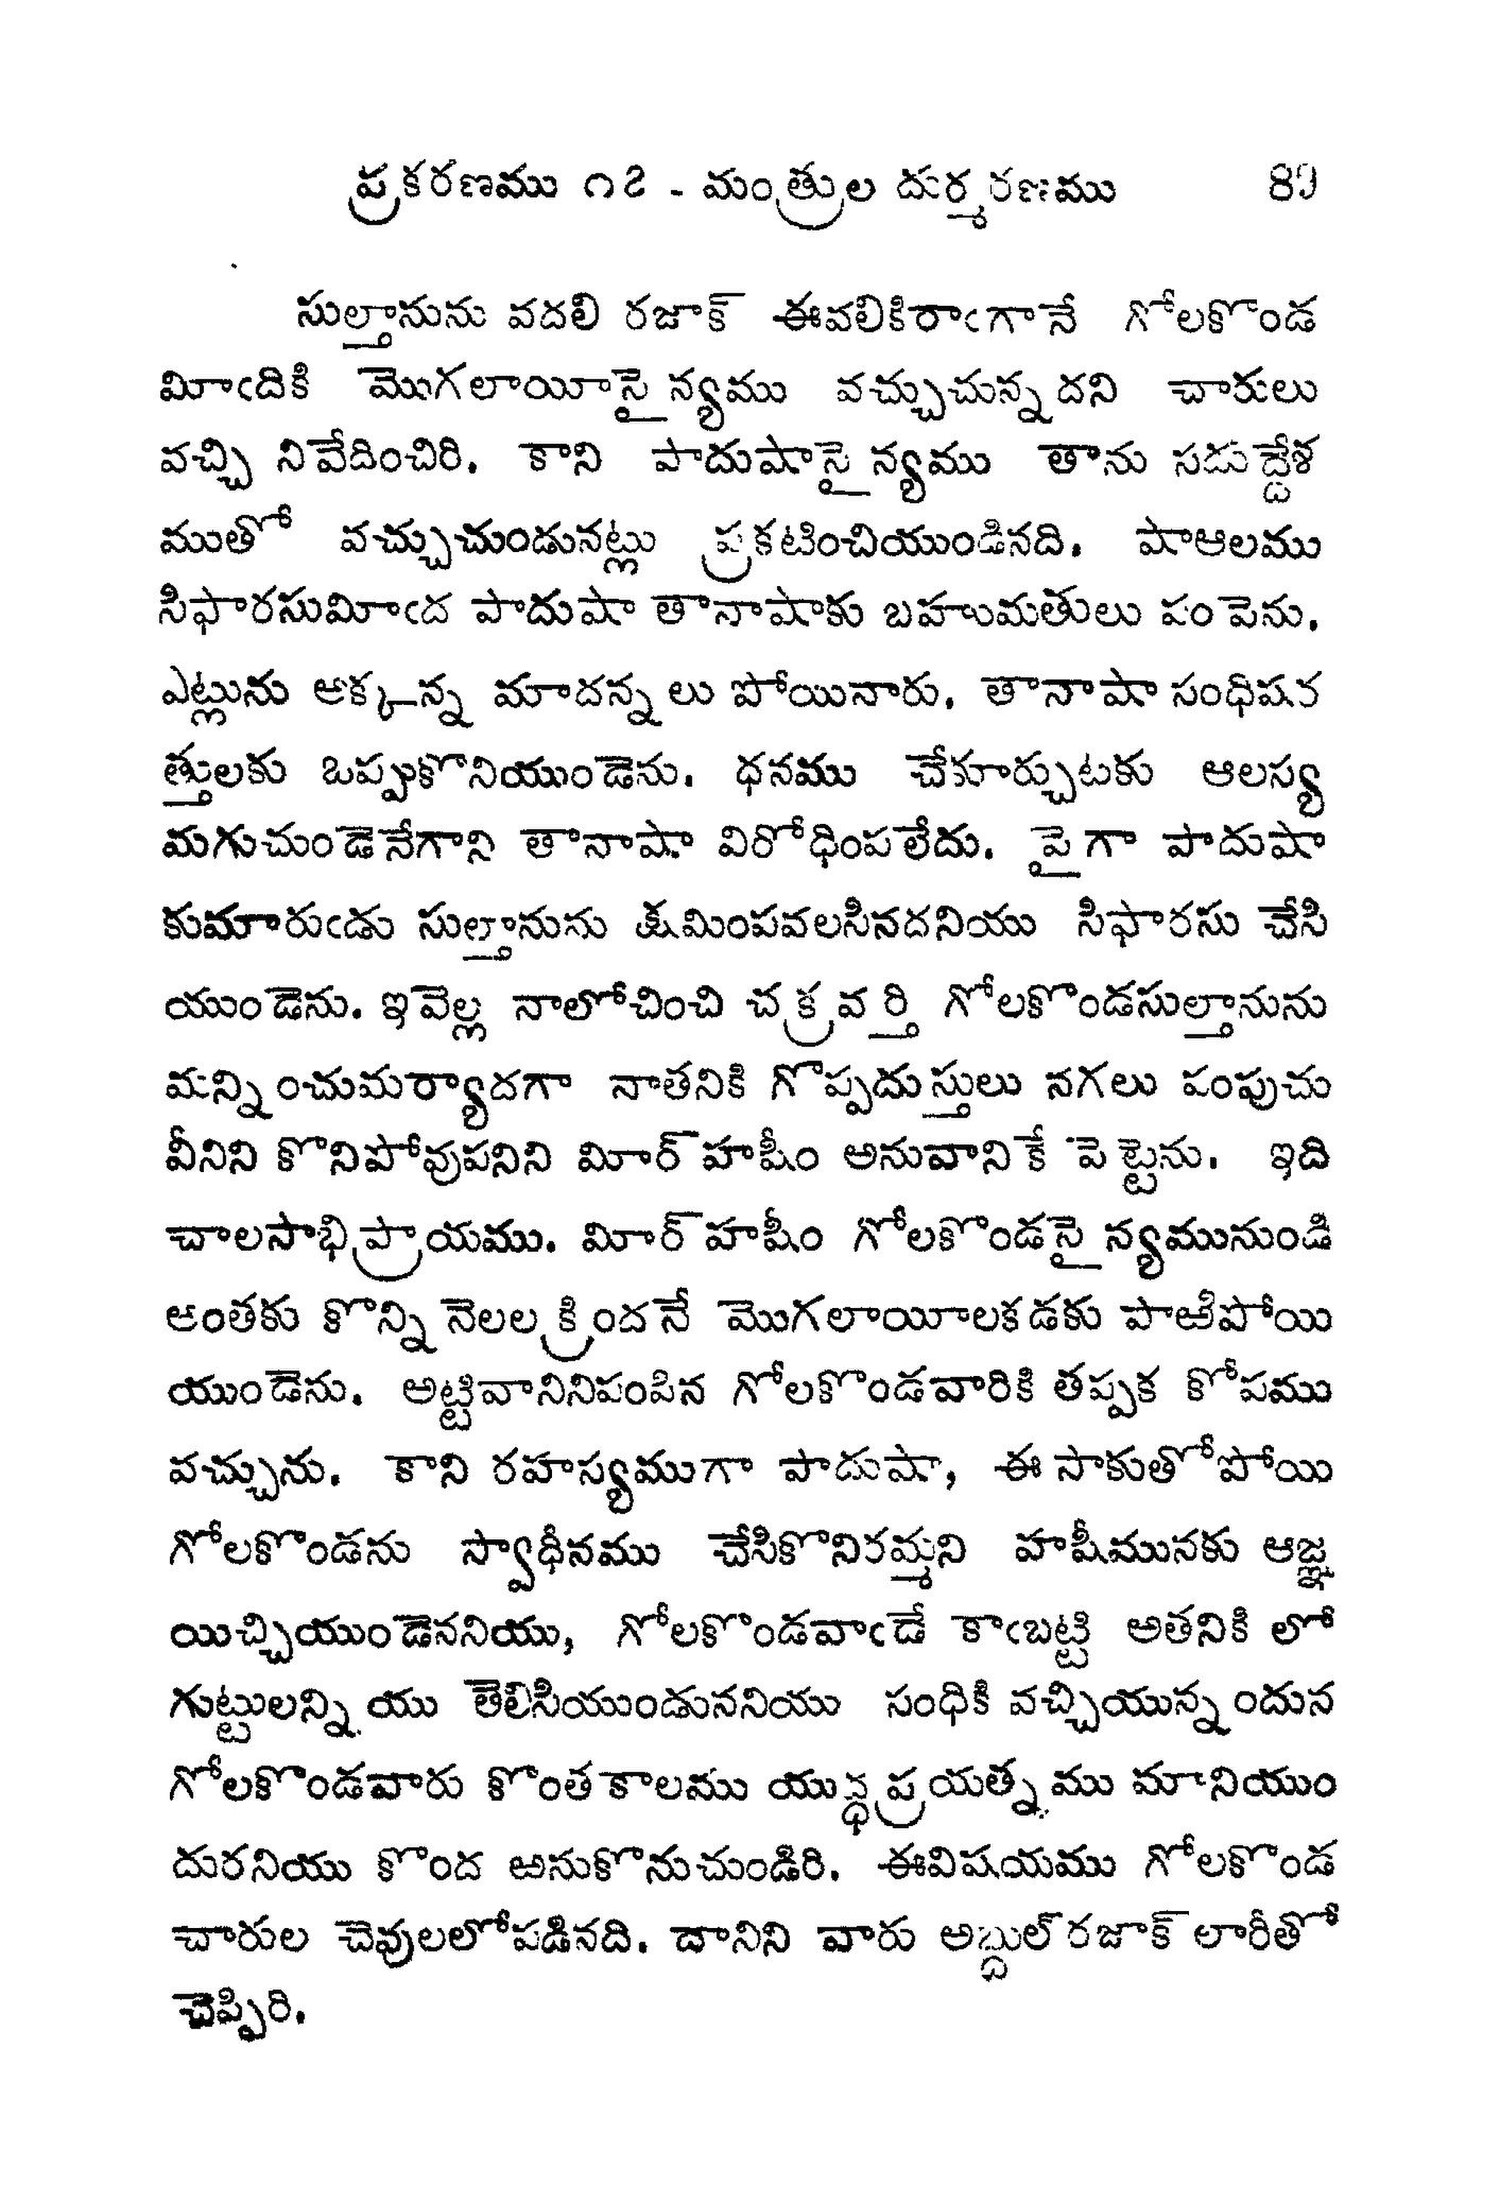సుల్తానును వదలి రజాక్ ఈవలికిరాఁగానే గోలకొండ మీఁదికి మొగలాయీసైన్యము వచ్చుచున్నదని చారులు వచ్చి నివేదించిరి. కాని పాదుషాసైన్యము తాను సదుద్దేశముతో వచ్చుచుండునట్లు ప్రకటించియుండినది. షాఆలము సిఫారసుమీఁద పాదుషా తానాషాకు బహుమతులు పంపెను. ఎట్లును అక్కన్న మాదన్నలు పోయినారు. తానాషా సంధిషరత్తులకు ఒప్పుకొనియుండెను. ధనము చేకూర్చుటకు ఆలస్య మగుచుండెనేగాని తానాషా విరోధింపలేదు. పైగా పాదుషా కుమారుఁడు సుల్తానును క్షమింపవలసినదనియు సిఫారసు చేసి యుండెను. ఇవెల్ల నాలోచించి చక్రవర్తి గోలకొండసుల్తానును మన్నించుమర్యాదగా నాతనికి గొప్పదుస్తులు నగలు పంపుచు వీనిని కొనిపోవుపనిని మీర్‌హషీం అనువానికే పెట్టెను. ఇది చాలసాభిప్రాయము. మీర్‌హషీం గోలకొండసైన్యమునుండి అంతకు కొన్నినెలలక్రిందనే మొగలాయీలకడకు పాఱిపోయి యుండెను. అట్టివానినిపంపిన గోలకొండవారికి తప్పక కోపమువచ్చును. కాని రహస్యముగా పాదుషా, ఈ సాకుతోపోయి గోలకొండను స్వాధీనము చేసికొనిరమ్మని హషీమునకు ఆజ్ఞ యిచ్చియుండెననియు, గోలకొండవాఁడే కాఁబట్టి అతనికి లోగుట్టులన్నియు తెలిసియుండుననియు సంధికి వచ్చియున్నందున గోలకొండవారు కొంతకాలము యుద్ధప్రయత్నము మానియుందురనియు కొంద ఱనుకొనుచుండిరి. ఈవిషయము గోలకొండ చారుల చెవులలోపడినది. దానిని వారు అబ్దుల్‌రజాక్‌లారీతో చెప్పిరి.